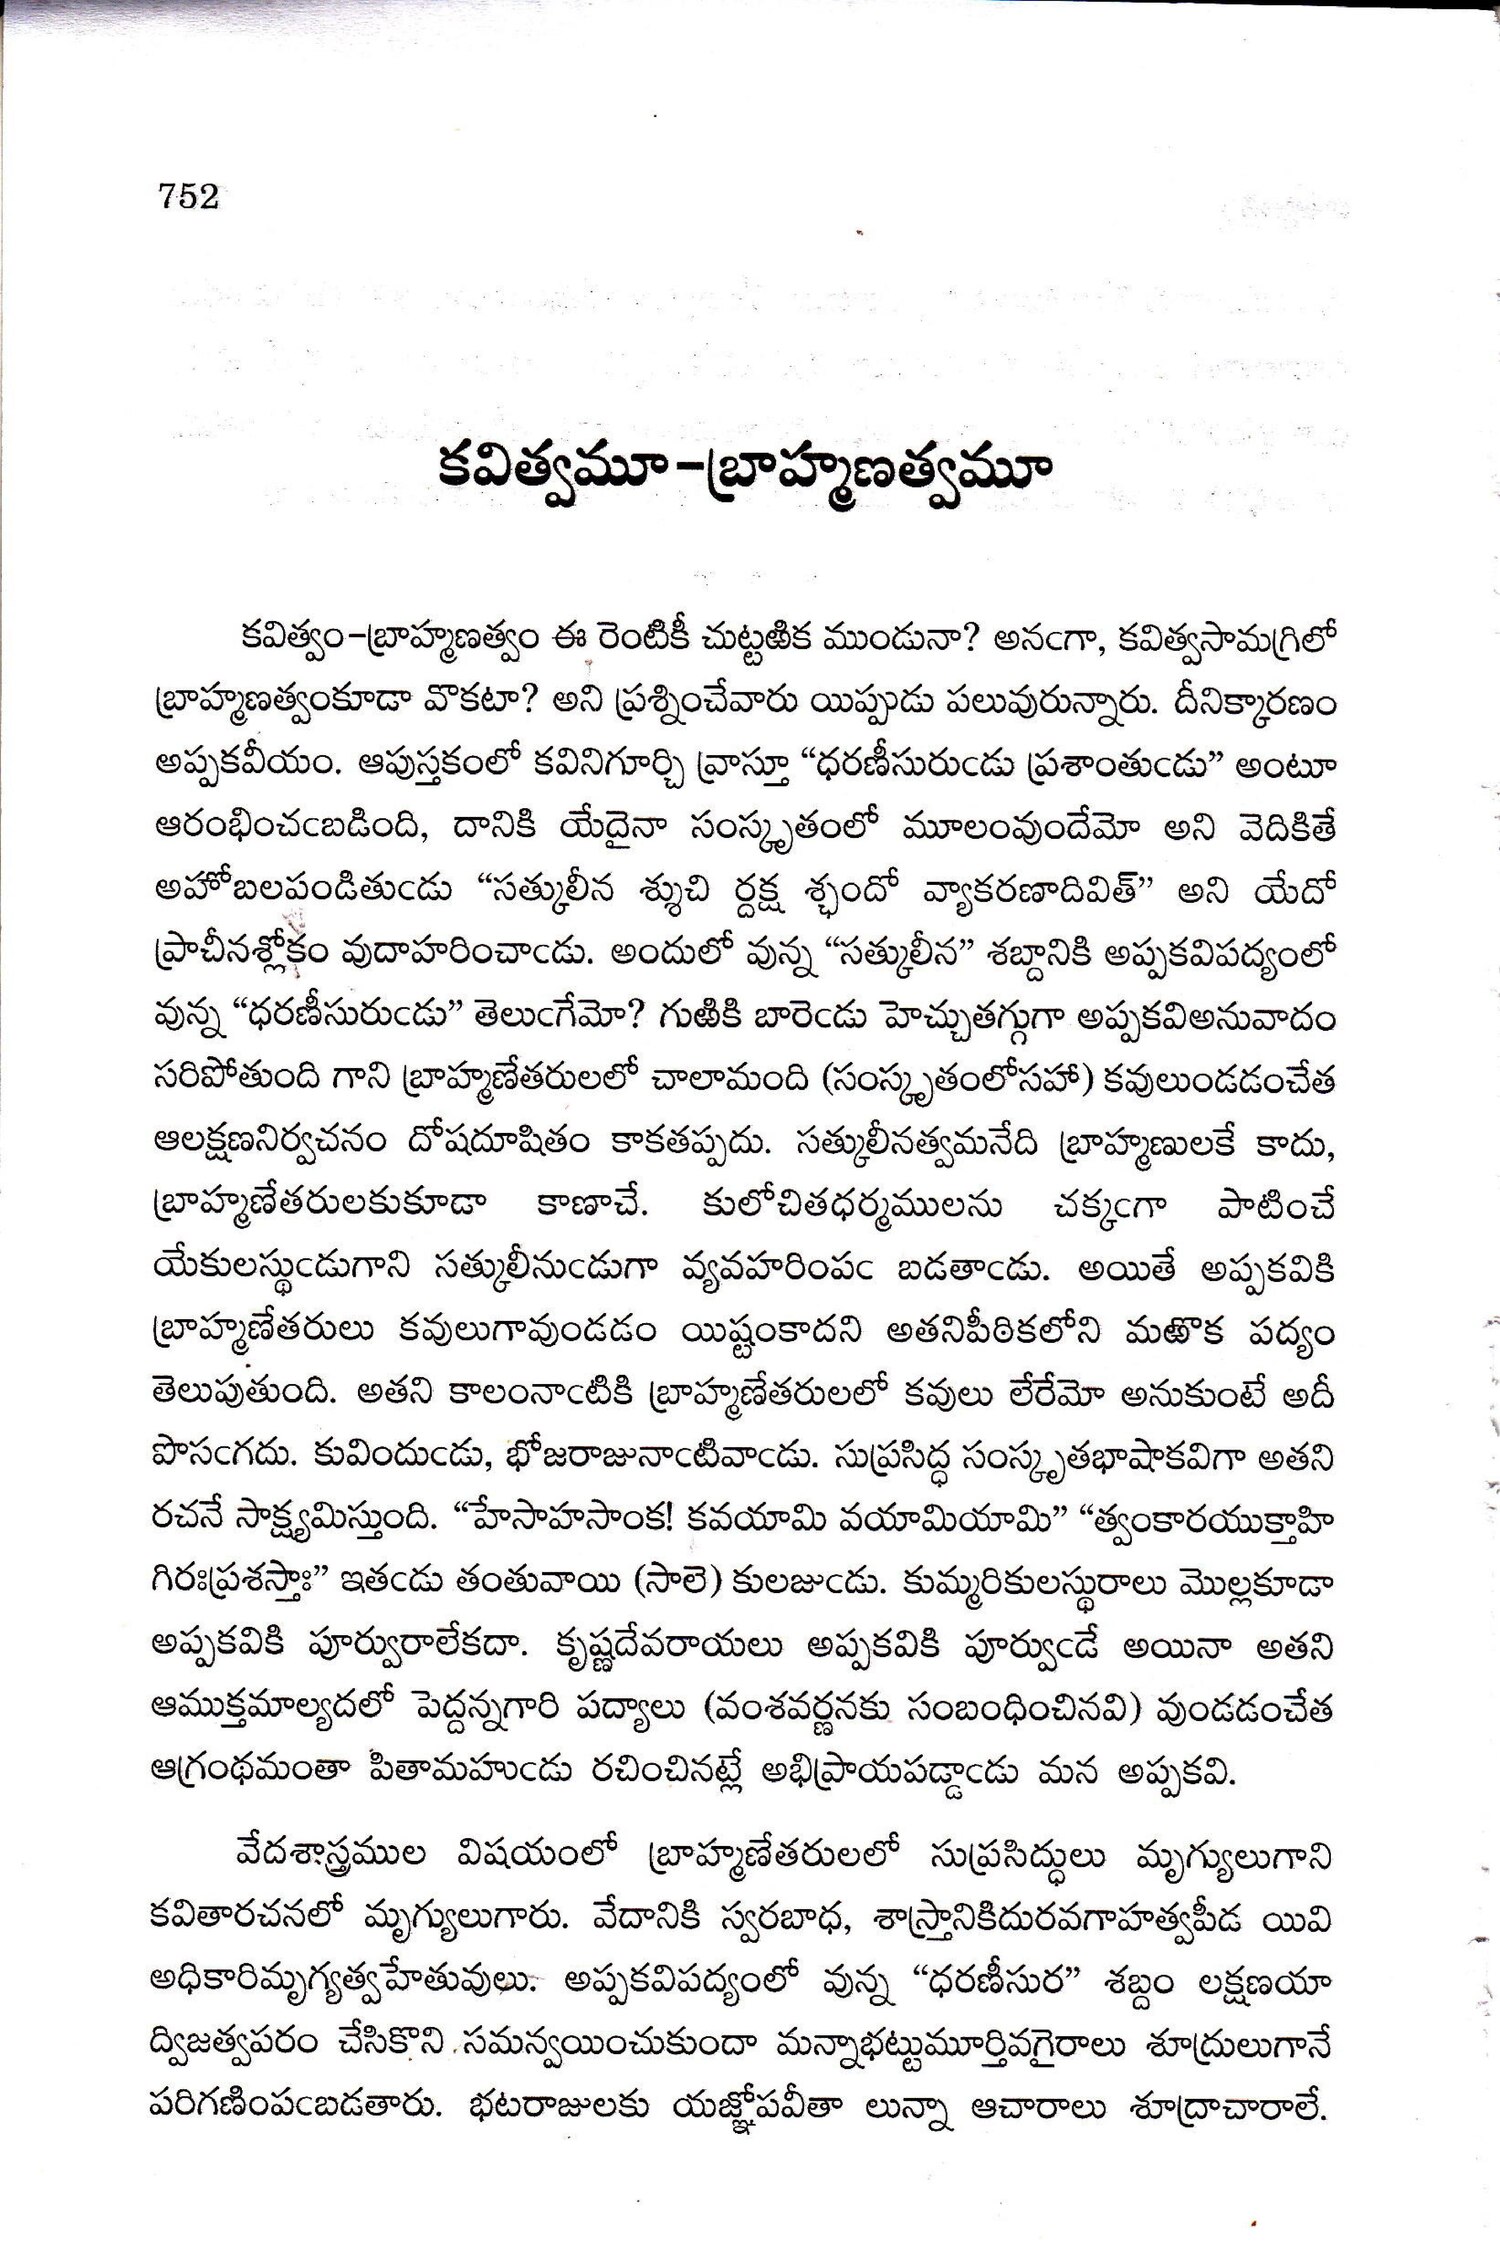కవిత్వమూ-బ్రాహ్మణత్వమూ

కవిత్వం-బ్రాహ్మణత్వం ఈ రెంటికీ చుట్టఱిక ముండునా? అనఁగా, కవిత్వసామగ్రిలో బ్రాహ్మణత్వంకూడా వొకటా? అని ప్రశ్నించేవారు యిప్పుడు పలువురున్నారు. దీనిక్కారణం అప్పకవీయం. ఆపుస్తకంలో కవినిగూర్చి వ్రాస్తూ “ధరణీసురుఁడు ప్రశాంతుఁడు" అంటూ ఆరంభించఁబడింది, దానికి యేదైనా సంస్కృతంలో మూలంవుందేమో అని వెదికితే అహోబలపండితుండు “సత్కులీన శ్శుచి ర్దక్ష శ్చందో వ్యాకరణాదివిత్" అని యేదో ప్రాచీనశ్లోకం వుదాహరించాఁడు. అందులో వున్న "సత్కులీన" శబ్దానికి అప్పకవిపద్యంలో వున్న "ధరణీసురుఁడు" తెలుఁగేమో? గుఱికి బారెఁడు హెచ్చుతగ్గుగా అప్పకవిఅనువాదం సరిపోతుంది గాని బ్రాహ్మణేతరులలో చాలామంది (సంస్కృతంలోసహా) కవులుండడంచేత ఆలక్షణనిర్వచనం దోషదూషితం కాకతప్పదు. సత్కులీనత్వమనేది బ్రాహ్మణులకే కాదు, బ్రాహ్మణేతరులకుకూడా కాణాచే, కులోచితధర్మములను చక్కఁగా పాటించే యేకులస్థుఁడుగాని సత్కులీనుఁడుగా వ్యవహరింపఁ బడతాఁడు. అయితే అప్పకవికి బ్రాహ్మణేతరులు కవులుగావుండడం యిష్టంకాదని అతనిపీఠికలోని మఱొక పద్యం తెలుపుతుంది. అతని కాలంనాఁటికి బ్రాహ్మణేతరులలో కవులు లేరేమో అనుకుంటే అదీ పొసఁగదు. కువిందుఁడు, భోజరాజునాఁటివాఁడు. సుప్రసిద్ధ సంస్కృతభాషాకవిగా అతని రచనే సాక్ష్యమిస్తుంది. "హేసాహసాంక! కవయామి వయామియామి” “త్వంకారయుక్తాహి గిరఃప్రశస్తాః ఇతఁడు తంతువాయి (సాలె) కులజుఁడు. కుమ్మరికులస్థురాలు మొల్లకూడా అప్పకవికి పూర్వురాలేకదా. కృష్ణదేవరాయలు అప్పకవికి పూర్వుఁడే అయినా అతని ఆముక్తమాల్యదలో పెద్దన్నగారి పద్యాలు (వంశవర్ణనకు సంబంధించినవి) వుండడంచేత ఆగ్రంథమంతా పితామహుఁడు రచించినట్లే అభిప్రాయపడ్డాఁడు మన అప్పకవి.

వేదశాస్త్రముల విషయంలో బ్రాహ్మణేతరులలో సుప్రసిద్దులు మృగ్యులుగాని కవితారచనలో మృగ్యులుగారు. వేదానికి స్వరబాధ, శాస్త్రానికిదురవగాహత్వపీడ యివి అధికారిమృగ్యత్వహేతువులు. అప్పకవిపద్యంలో వున్న “ధరణీసుర" శబ్దం లక్షణయా ద్విజత్వపరం చేసికొని సమన్వయించుకుందా మన్నాభట్టుమూర్తివగైరాలు శూద్రులుగానే పరిగణింపఁబడతారు. భటరాజులకు యజ్ఞోపవీతా లున్నా ఆచారాలు శూద్రాచారాలే.